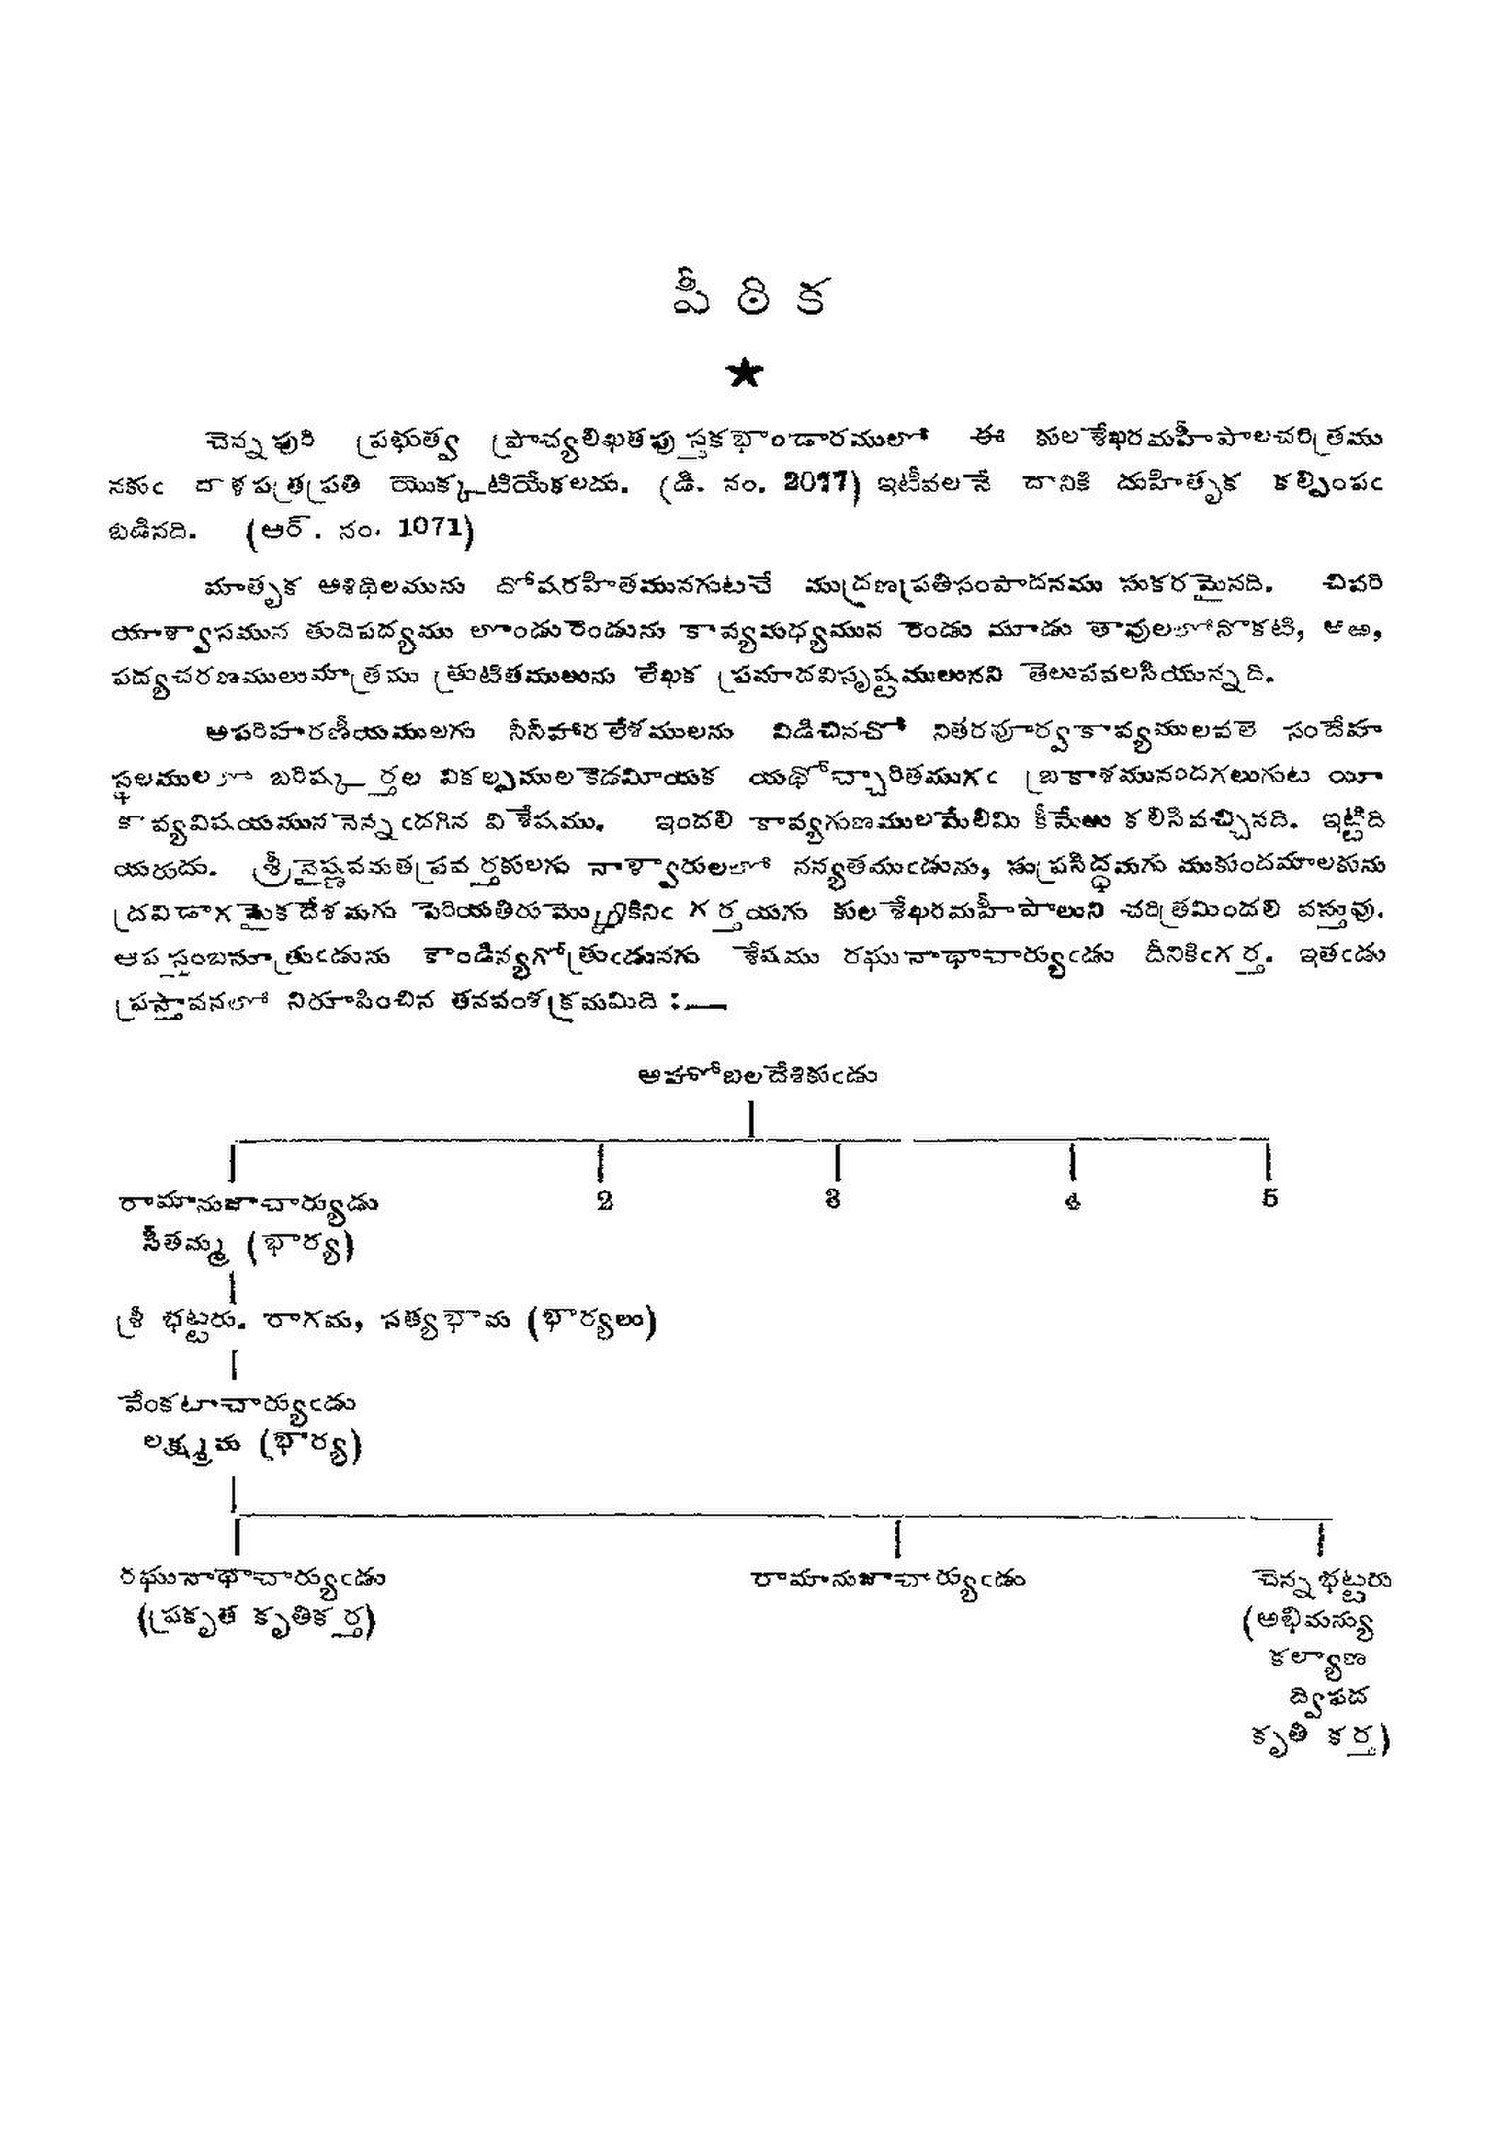పీఠిక

చెన్నపురి ప్రభుత్వ ప్రాచ్యలిఖతపుస్తకభాండారములో ఈ కులశేఖరమహీపాలచరిత్రమునకుఁ దాళపత్రప్రతి యొక్కటియే కలదు. (డి. నం. 2077) ఇటీవలనే దానికి దుహితృక కల్పింపఁబడినది. (ఆర్. నం. 1071)

మాతృక అశిథిలమును దోషరహితము నగుటచే ముద్రణ ప్రతిసంపాదనము సుకర మైనది. చివరియాశ్వాసమున తుదిపద్యము లొండురెండును కావ్యమధ్యమున రెండు మూడు తావులలో నొకటి, అఱ,
పద్యచరణములు మాత్రము త్రుటితములును లేఖక ప్రమాదవిసృష్టములు నని తెలుపవలసియున్నది.

అపరిహరణీయములగు నీనీహారలేశములను విడిచినచో నితరపూర్వకావ్యములవలె సందేహస్థలములలో బరిష్కర్తల వికల్పముల కెడమీయక యథోచ్చారితముగఁ బ్రకాశము నందగలుగుట యీ కావ్యవిషయమున నెన్నదగిన విశేషము. ఇందలి కావ్యగుణముల మేలిమి కీ మేలు కలిసివచ్చినది. ఇట్టిది యరుదు. శ్రీవైష్ణవమతప్రవర్తకులగు నాళ్వారులలో నన్యతముఁడును, సుప్రసిద్ధమగు ముకుందమాలకును ద్రవిడాగమైకదేశమగు పెరియతిరుమొ௶కినిఁ గర్తయగు కులశేఖరమహీపాలుని చరిత్ర మిందలి వస్తువు. ఆపస్తంబసూత్రుఁడును కౌండిన్యగోత్రుఁడునగు శేషము రఘునాథాచార్యుఁడు దీనికిఁ గర్త. ఇతఁడు ప్రస్తావనలో నిరూపించిన తనవంశక్రమ మిది:—